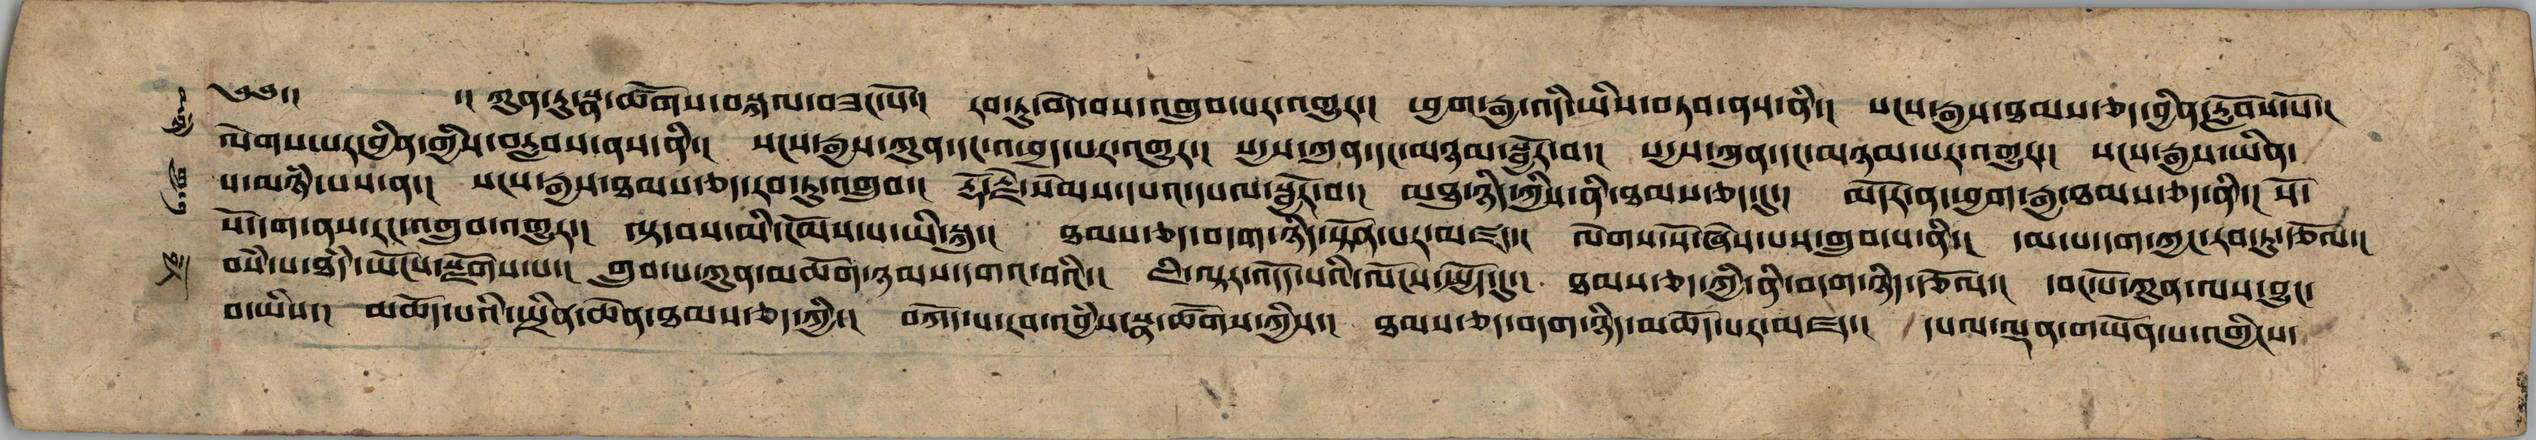༄༅་། ་། ཀུན་ཏུ་སྣ་ཚོགས་བསྐལ་བཟང་པོ་། རབ་ཏུ་བདེ་བས་འགྲུབ་པར་འགྱུར་། ཕྱག་རྒྱ་འདི་ཡིས་བཏབ་ནས་ནི་། སངས་རྒྱས་ཐམས་ཅད་བྱིན་རློབས་སོ་།
ལེགས་པར་བྱིན་གྱིས་བརླབས་ནས་ནི་། སངས་རྒྱས་ཀུན་དང་འཕྲད་པར་འགྱུར་། སདྱས་ཀུན་དང་མཉམ་སྦྱོར་བ་། སདྱས་ཀུན་དང་མཉམ་པར་འགྱུར་། སངས་རྒྱས་ཡིན་
པ་མཉཾ་པས་ན་། སངས་རྒྱས་ཐམས་ཅད་རབ་ཏུ་འགྲུབ་། རྡོ་རྗེ་སེམས་དཔའ་དཔལ་སྦྱོར་བ་། མཐུ་ཉིད་ཀྱིས་ནི་ཐམས་ཅད་དུ་། མདོར་ན་ཕྱག་རྒྱ་ཐམས་ཅད་ནི་། སོ་
སོ་དག་ནས་རང་འགྲུབ་འགྱུར་། ལྟ་བས་མི་ངོམས་པ་ཡི་སྐུ་། ཐམས་ཅད་བདག་ཉིད་སྟོན་པར་མཛད་། ལེགས་སོ་ཞེས་པས་གྲུབ་པ་ནི་། དམ་པ་དག་ཀྱང་རབ་ཏུ་རྩོལ་།
བསཾ་པ་ཐདཾ་ཡོངས་སྫོགས་པ་། གྲུབ་པ་ཀུན་མཆོག་ཉམས་དགའ་བའི་། ཇི་ལྟར་འདོད་པའི་ལོངས་སྤྱོད་དུ་། ཐམས་ཅད་ཀྱི་ནི་བདག་ཉིད་རྩོལ་། དབང་པོ་ཀུན་ལས་བྱུང་
བ་ཡིས་། མཆོད་པའི་སྤྲིན་ཆེན་ཐམས་ཅད་ཀྱི་། བཀོད་པ་རབ་འབྱཾས་སྣ་ཚོགས་ཀྱིས་། ཐམས་ཅད་བདག་ཉིད་མཆོད་པར་མཛད་། དཔལ་ལྡན་གཡོན་པ་འགྱིངས་